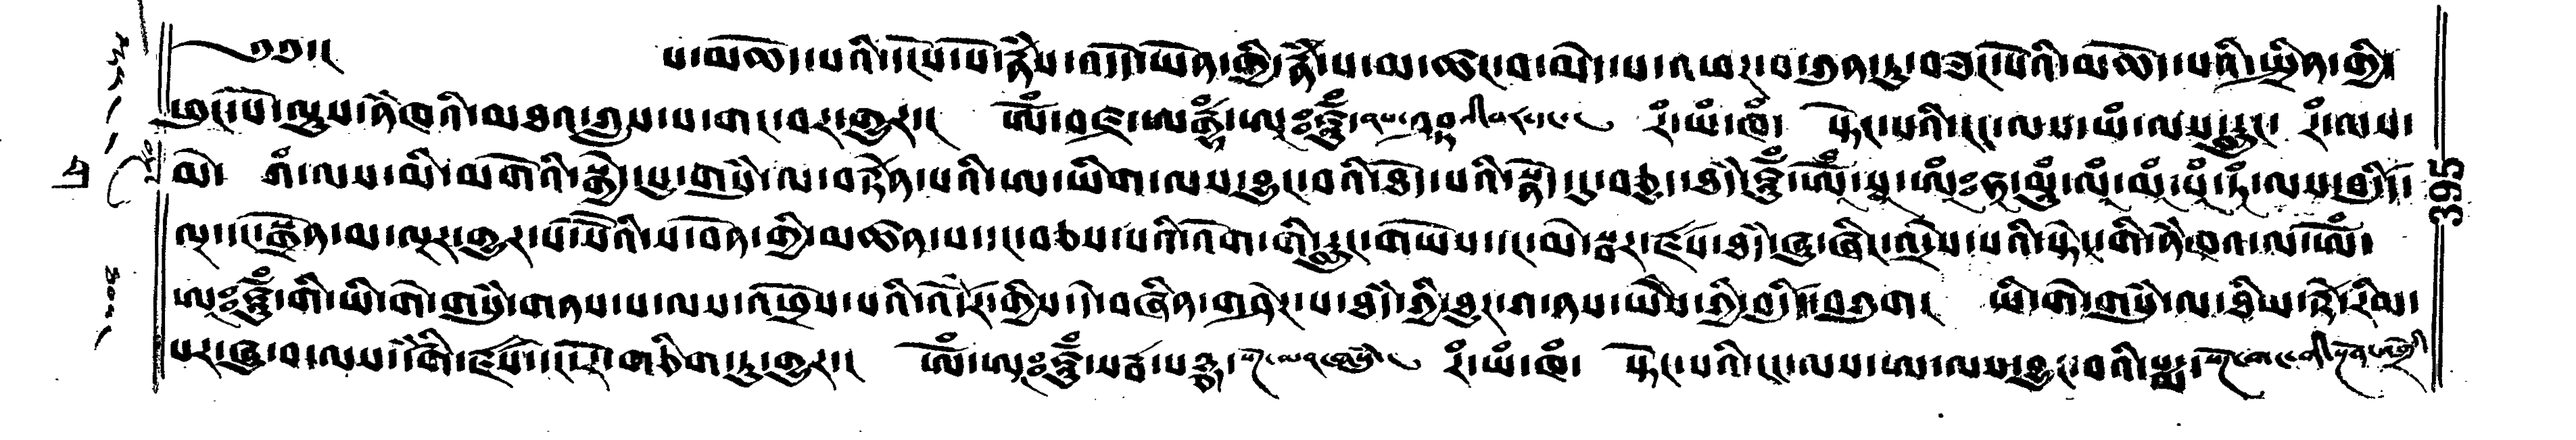པ་མཆོད་པའི་དངོས་པོ་རྣམས་འདོད་ཡོན་གྱི་རྣམ་པ་མ་ཚང་བ་མེད་པ་འཕགས་པ་ཀུན་ཏུ་བཟང་པོའི་མཆོད་པའི་སྤྲིན་གྱི་
ཕུང་པོ་ལྟ་བུས་ནམ་མཁའི་མཐའ་ཀླས་པ་གང་བར་གྱུར། ཨོཾ་བཛྲ་ཨརྒྷཾ་ཨ་ཧཱུྃ་ནས་ཤབྟའི་བར་དང་། རཾ་ཡཾ་ཁཾ། སྟོང་པའི་ངང་ལས་ཡཾ་ལས་རླུང་། རཾ་ལས་
མེ། ཀཾ་ལས་མི་མགོའི་སྒྱེད་པུ་གསུམ་ལ་བརྟེན་པའི་ཨ་ཡིག་ལས་བྱུང་བའི་ཐོད་པའི་སྣོད་དུ་བཅུད་ཐམས་ཅད་ཧཱུྃ་ཨོཾ་སྭ་ཨཾཿཧ་མཱུཾ་ལཾ་མཾ་པཾ་ཏཾ་ལས་བདུད་རྩི་
ལྔ་དང་སྒྲོན་མ་ལྔར་གྱུར་པ་སོ་སོའི་ས་བོན་གྱི་མཚན་པ་དང་བཅས་པའི་འོག་གི་རླུང་གཡོས་མེ་སྦར་རྫས་ཐམས་ཅད་ཞུ་ཞིང་འདྲེས་པའི་སྟེང་གི་ནམ་མཁའ་ལ་ཨོཾ་
ཨཱཿཧཱུྃ་གི་ཡི་གེ་གསུམ་གནས་པ་ལས་འཕྲོས་པའི་འོད་ཟེར་གྱིས་དེ་བཞིན་གཤེགས་པ་ཐམས་ཅད་ཀྱི་ཐུགས་ཀ་ནས་ཡེ་ཤེས་ཀྱི་བདུད་རྩི་བཀུག ཡི་གེ་གསུམ་ལ་ཐིམ་ཏེ་རིམ་
པར་ཞུ་བ་ལས་དམ་ཚིག་གི་རྫས་དང་རོ་གཅིག་ཏུ་གྱུར། ཨོཾ་ཨཱཿཧཱུྃ་སརྦ་པཉྩ་སོགས་ལན་གསུམ། རཾ་ཡཾ་ཁཾ། སྟོང་པའི་ངང་ལས་ཨ་ལས་བྱུང་བའི་པདྨ་སོགས་གོང་གི་སྔོན་འགྲོའི་